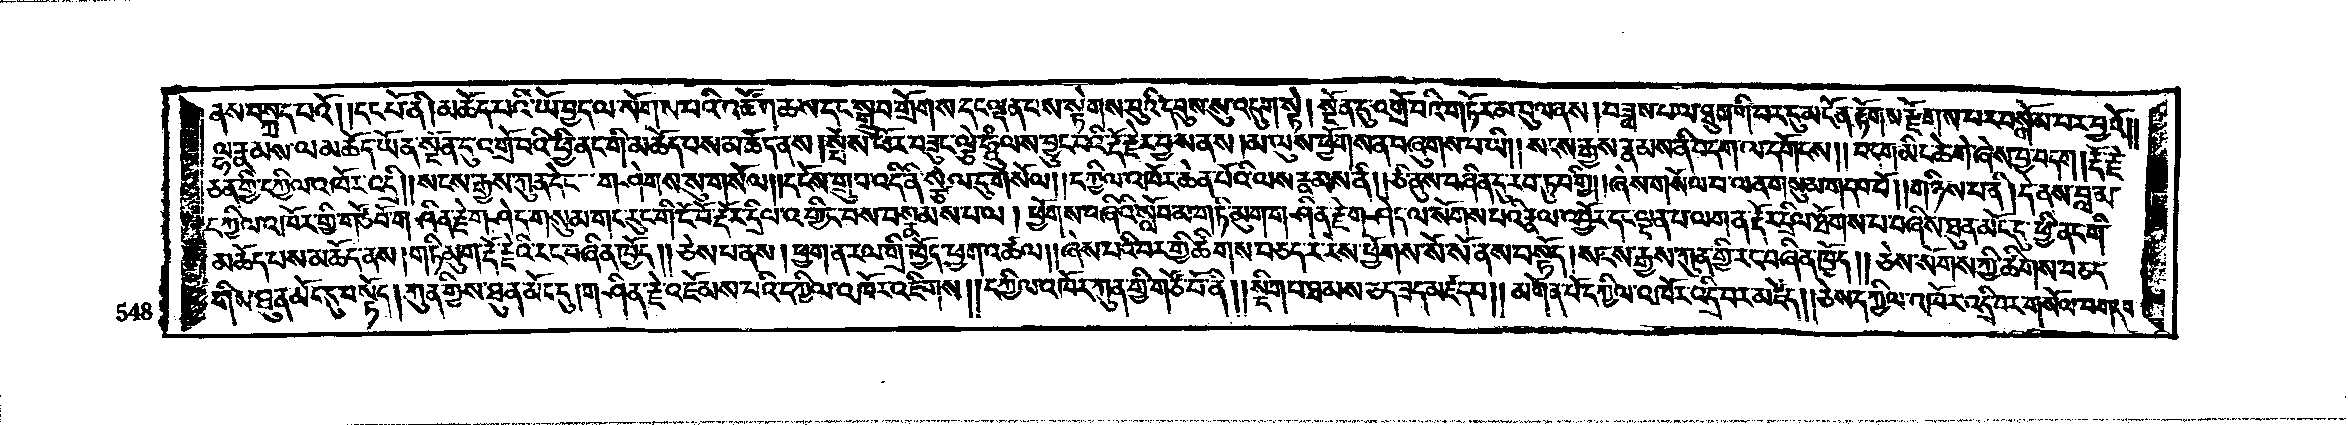ནས་བསྐྲད་པའོ། །དང་པོ་ནི། མཆོད་པའི་ཡོ་བྱད་ལ་སོགས་པའི་འཚོག་ཆས་དང་སྒྲུབ་གྲོགས་དང་ལྡན་པས་སྟེགས་བུའི་དབུས་སུ་འདུག་སྟེ། སྔོན་དུ་འགྲོ་བའི་གཏོར་མ་ཕུལ་ནས། བཟླས་པ་ལ་ཐུག་གི་བར་དུ་མངོན་རྟོགས་རྫོགས་པར་བསྒོམ་པར་བྱའོ། །
ལྷ་རྣམས་ལ་མཆོད་ཡོན་སྔོན་དུ་འགྲོ་བའི་ཕྱི་ནང་གི་མཆོད་པས་མཆོད་ནས། སྤོས་ཕོར་བཟུང་ལྕེ་ཧཱུཾ་ལས་བྱུང་བའི་རྡོ་རྗེར་བྱས་ནས། མ་ལུས་ཕྱོགས་ན་བཞུགས་པ་ཡི། །སངས་རྒྱས་རྣམས་ནི་བདག་ལ་དགོངས། །བདག་མིང་ཆེ་གེ་ཞེས་བྱ་བདག །རྡོ་རྗེ་
ཅན་གྱི་དཀྱིལ་འཁོར་འདྲི། །སངས་རྒྱས་ཀུན་དེང་གཤེགས་སུ་གསོལ། །དངོས་གྲུབ་འདི་ནི་སྩལ་དུ་གསོལ། །དཀྱིལ་འཁོར་ཆེན་པོའི་ལས་རྣམས་ནི། །ཅི་ནུས་བཞིན་དུ་རབ་ཏུ་བགྱི། །ཞེས་གསོལ་བ་ལན་གསུམ་གདབ་བོ། །གཉིས་པ་ནི། དེ་ནས་བླ་མ་
དཀྱིལ་འཁོར་གྱི་གཙོ་བོ་གཤིན་རྗེ་གཤེད་གསུམ་གང་རུང་གི་ངོ་བོ་རྡོར་དྲིལ་འགྱིང་བས་བསྣམས་པ་ལ། ཕྱོགས་བཞིའི་སློབ་མ་གཏི་མུག་གཤིན་རྗེ་གཤེད་ལ་སོགས་པའི་རྣལ་འབྱོར་དང་ལྡན་པ་ལག་ན་རྡོར་དྲིལ་ཐོགས་པ་བཞིས་ཐུན་མོང་དུ་ཕྱི་ནང་གི་
མཆོད་པས་མཆོད་ནས། གཏི་མུག་རྡོ་རྗེའི་རང་བཞིན་ཁྱོད། །ཅེས་པ་ནས། ཕྱག་ན་རལ་གྲི་ཁྱོད་ཕྱག་འཚལ། །ཞེས་པའི་བར་གྱི་ཚིགས་བཅད་རེ་རེས་ཕྱོགས་སོ་སོ་ནས་བསྟོད། སངས་རྒྱས་ཀུན་གྱི་རང་བཞིན་ཁྱོད། །ཅེས་སོགས་ཀྱི་ཚིགས་བཅད་
གིས་ཐུན་མོང་དུ་བསྟོད། ཀུན་གྱིས་ཐུན་མོང་དུ། གཤིན་རྗེ་འཇོམས་པའི་དཀྱིལ་འཁོར་འཇིགས། །དཀྱིལ་འཁོར་ཀུན་གྱི་གཙོ་བོ་ནི། །སྡིག་པ་ཐམས་ཅད་ཟད་མཛད་པ། །མགོན་པོ་དཀྱིལ་འཁོར་འདྲི་བར་མཛོད། །ཅེས་དཀྱིལ་འཁོར་འདྲི་བར་གསོལ་བ་གདབ་